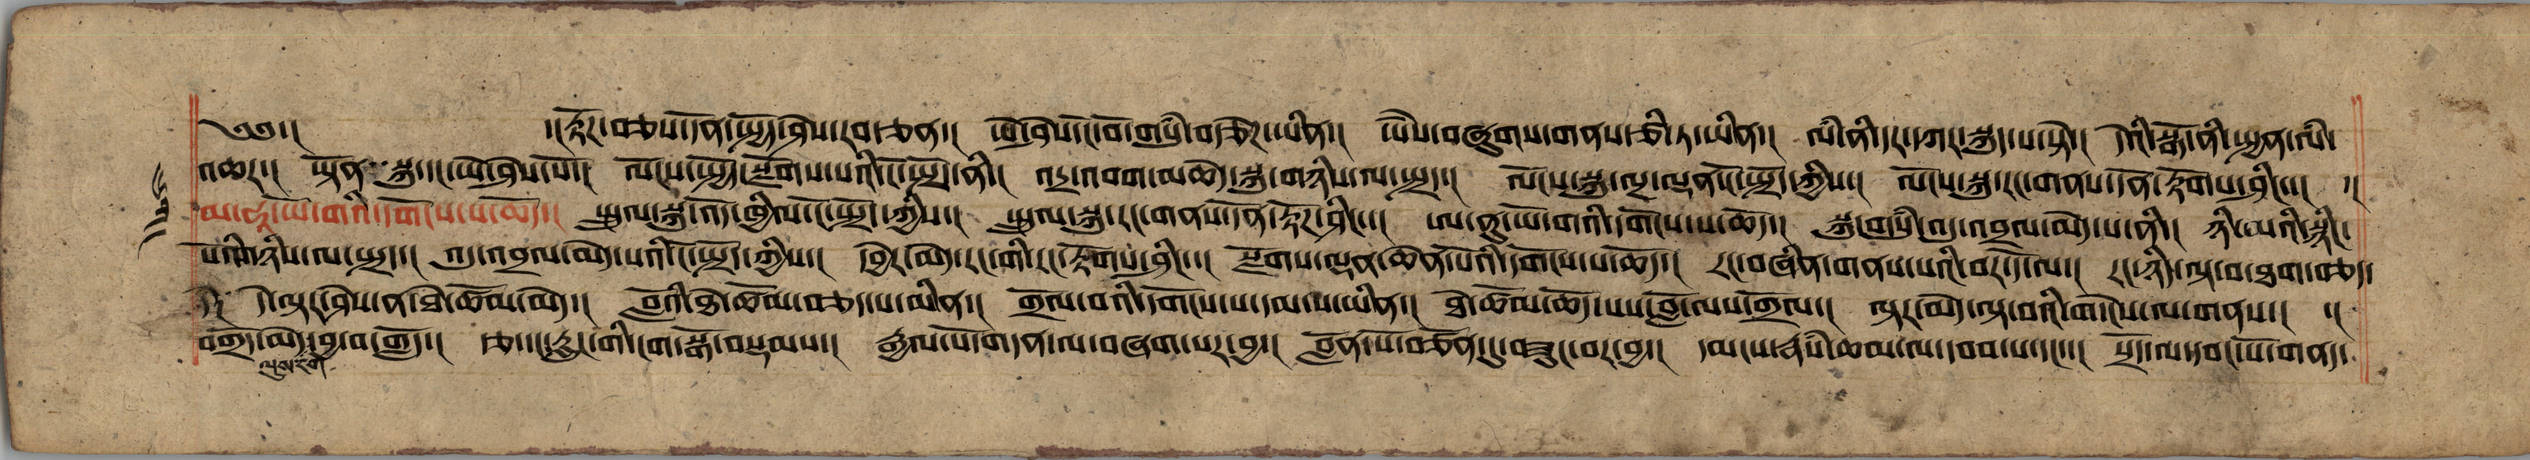༄༅་། ་།་རྟོཌ་བཅས་དོན་སྤྱོད་ཤེསརབ་ཅན་། ཡེ་ཤེས་ངོ་བོ་གསུཾ་བརྩེཌ་ཡིན་། ཡཻས་བཞུགས་གནས་ཙི་ཏ་ཡིན་། ལི་ནི་དར་དཀར་སྐུད་པ་སྟེ་། དེའི་སྒོ་ནི་སྤྱན་ལཾ་
འཆར་། ཡྟོན་སྐུ་དང་ཡེ་ཤེས་སོ་། ལོངས་སྤྱོད་སྫོགས་པའི་ངོ་སྤྲོད་ནི་། འདྲ་འབག་མཆེད་སྐུ་གཉིས་ལ་སྤྲད་། ལོངས་སྐུ་ལྔ་ལྡན་ངོ་སྤྲོད་ཀྱིས་། ལོངས་སྐུ་རང་གནས་དོན་རྟོགས་ཤིང་་།
མ་ཧཱ་ཡོ་གའི་དགོངས་པ་མོད་། སྤྲུལ་སྐུ་འོད་ཁྱིལ་ངོ་སྤྲོད་ཀྱིས་། སྤྲུལ་སྐུ་རང་གནས་དོན་རྟོཌ་ཤིང་་། ཨ་ནུ་ཡོ་གའི་དགོངས་པ་ཆོད་། སྐུ་གསུཾ་འདུ་འབྲལ་མེད་པ་ནི་། ཉི་མའི་སྙིང་
པོའི་ཉིས་ལ་སྤྲད་། འདུ་འབྲལ་མེད་པའི་ངོ་སྤྲོད་གྱིས་། དབྱེར་མེད་རང་གི་རང་རྟོགས་ཤིང་་། སྫོགས་ལྡན་ཆེན་པོའི་དགོངས་པ་ཆོད་། རང་བཞིན་གནས་པའི་བར་དོ་ལ་། རང་ཉིད་ལྟ་བ་ཐག་བཅད་
དེ་ལྟར་ཤེས་ན་ཐེ་ཚོམ་མེད་། བློའི་ཐེ་ཚོམ་བཅད་པ་མིན་། གྲོལ་བའི་དགོངས་པ་དམ་པ་ཡིན་། ཐེ་ཚོམ་ཆོད་པས་བློ་ལས་གྲོལ་། ལྟར་མེད་ལྟ་བའི་གདེངས་ལ་གནས་། ་།
བགྲོད་མེད་ལས་དགེ་བྱ་བ་གློད་། རྩ་དང་རླུང་གི་ངག་སྒོ་བསྡམས་། རྒྱལ་པོ་གདན་ལ་བཞག་པར་བྱ་། བློན་པོ་བཙོན་དུ་བཟུང་བར་བྱ་། དམངས་རྣཾས་ཆམ་ལ་དབབ་པ་དང་་། སྲོད་ལ་དབང་པོ་གནད་